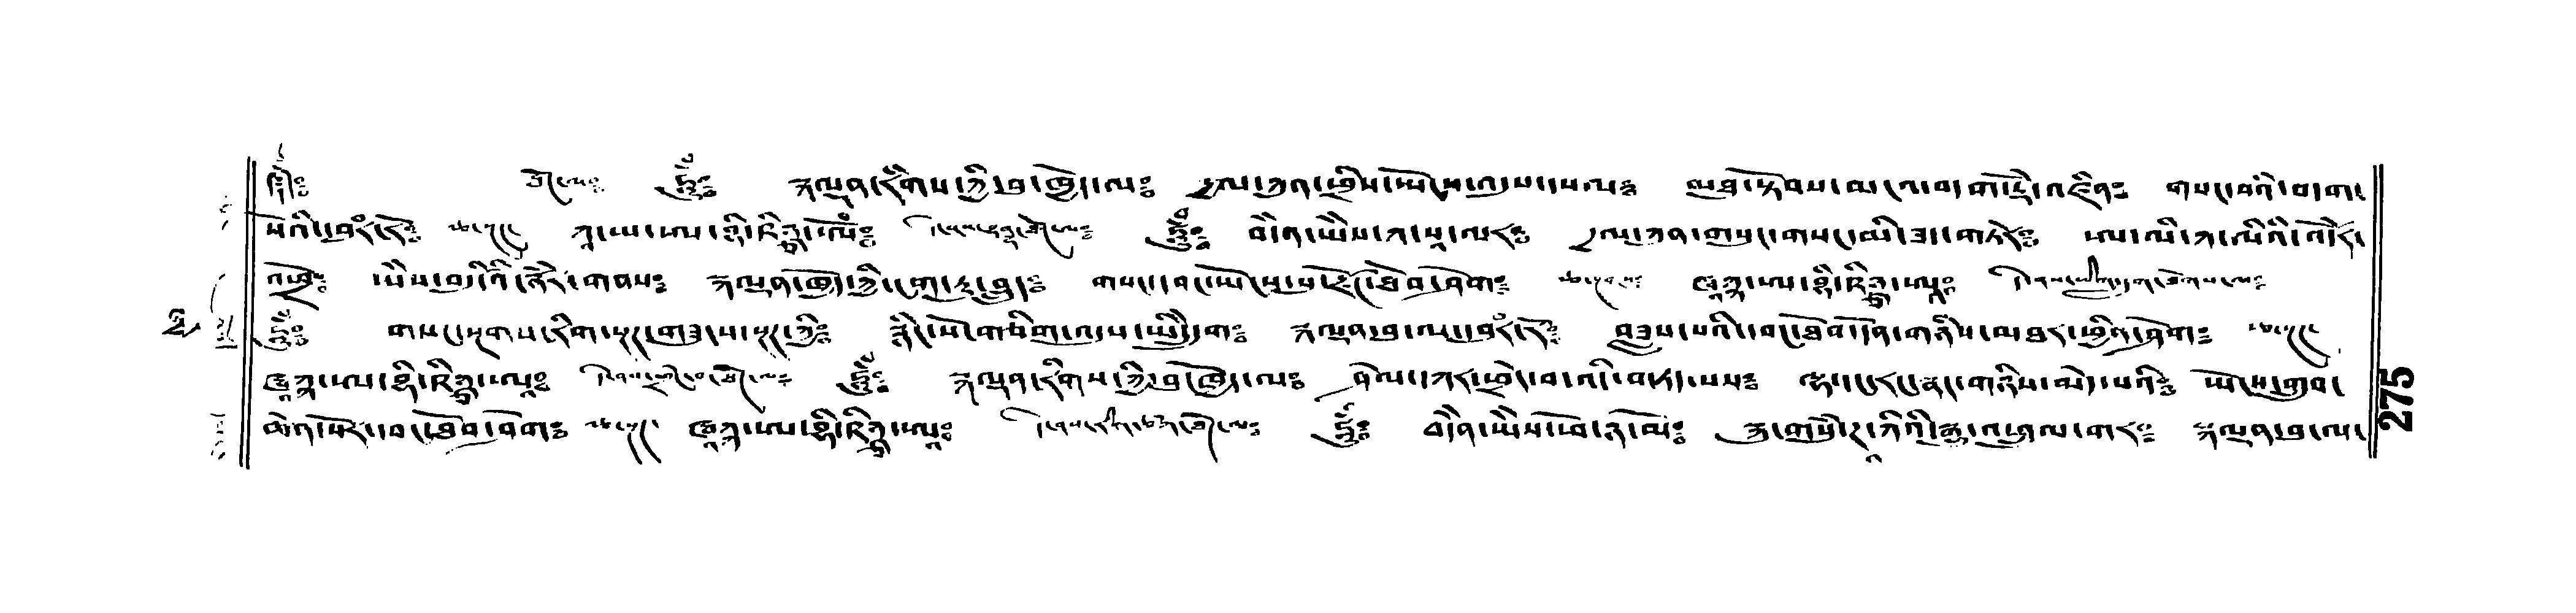ཐོགས་ལ༔ ཧཱུྃ༔ སྐལ་ལྡན་རིགས་ཀྱི་བུ་ཁྱོད་ལ༔ རྒྱལ་ཀུན་ཕྲིན་ལས་ཡོངས་འདུས་དཔལ༔ མཐུ་སྟོབས་མངའ་བདག་རྡོ་རྗེ་འཛིན༔ གསང་བའི་བདག་
པོའི་དབང་བསྐུར་རོ༔ རྩ་སྔགས༔ ཀཱ་ཡ་ཨ་བྷི་རིཉྩ་ཨོཾ༔ དེ་ནས་བྷནྡྷ་ཐོགས་ལ༔ ཧཱུྃ༔ བདེ་ཆེན་ཡེ་ཤེས་ཀ་པཱ་ལར༔ རྒྱལ་ཀུན་གསུང་གསང་མི་ཟད་གཏེར༔ཨ་ལི་ཀ་ལིའི་འོད་ཟེར་
འཕྲོ༔ ཡེ་ཤེས་བདུད་རྩིའི་རྣམ་པར་གནས༔ སྐལ་ལྡན་ཁྱོད་ཀྱི་ངག་ཏུ་བླུད༔ གསང་དབང་ཡོངས་སུ་རྫོགས་ཐོབ་ཤོག༔ རྩ་སྔགས༔ ཝཱཀྐ་ཨ་བྷི་རིཉྩ་ཨཱཿ དེ་ནས་ཡིག་དྲུག་ཐོགས་ལ༔ 
ཧཱུྃ༔ གསང་སྔགས་རིག་སྔགས་གཟུངས་སྔགས་ཀྱི༔ སྙིང་པོ་གཅིག་འདུས་ཡི་གེ་དྲུག༔ སྐལ་ལྡན་བུ་ལ་དབང་བསྐུར་རོ༔ བཟླས་པའི་དབང་ཐོབ་དོན་གཉིས་མཐར་ཕྱིན་ཤོག༔ རྩ་སྔགས༔ 
ཝཱཀྐ་ཨ་བྷི་རིཉྩ་ཨཱཿ དེ་ནས་ཕྲེང་བ་ཐོགས་ལ༔ ཧཱུྃ༔ སྐལ་ལྡན་རིགས་ཀྱི་བུ་ཁྱོད་ལ༔ ཤེལ་དཀར་ཕྲེང་བ་འདི་གཏད་པས༔ ལྷ་དང་རང་སྣང་གཉིས་མེད་པའི༔ ཡོངས་གྲུབ་
ཆེན་པོར་དབང་ཐོབ་ཤོག༔ རྩ་སྔགས༔ ཝཱཀྐ་ཨ་བྷི་རིཉྩ་ཨཱཿ དེ་ནས་རིག་ཙཀ་ཐོགས་ལ༔ ཧཱུྃ༔ བདེ་ཆེན་ཡེ་ཤེས་ཕོ་ཉ་མོ༔ སྐུ་གསུམ་ཌཱ་ཀིའི་སྒྱུ་འཕྲུལ་གར༔ སྐལ་ལྡན་བུ་ལ་